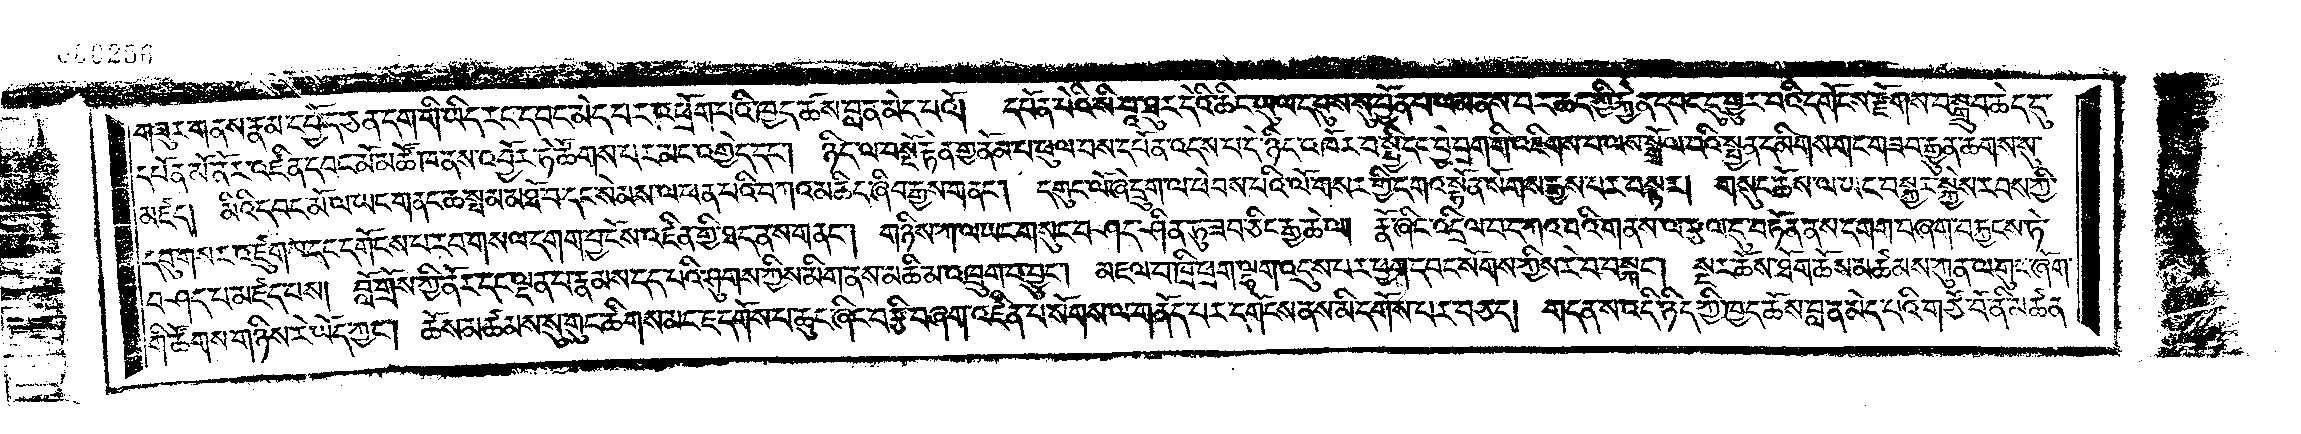གཟུར་གནས་རྣམ་དཔྱོད་ཅན་དག་གི་ཡིད་རང་དབང་མེད་པར་འཕྲོག་པའི་ཁྱད་ཆོས་བླ་ན་མེད་པའོ། །དཔོན་པེའི་སི་བཱ་ཐུར་དེའི་ཆིང་ཡུལ་དབུས་སུ་བྱོན་པ་ལམ་ནས་བར་ཆད་ཀྱི་རྐྱེན་དབང་དུ་གྱུར་པའི་དགོངས་རྫོགས་བསྒྲུབ་ཆེད་དུ་
དཔོན་མོ་ནོར་འཛིན་དབང་མོ་མཚོ་ཁ་ནས་འབྱོར་ཏེ་ཚོགས་པར་མང་འགྱེད་དང་། ཉིད་ལ་བསྔོ་རྟེན་གྱ་ནོམ་པ་ཕུལ་བས་དཔོན་འདས་པ་དེ་ཉིད་འཁོར་བ་སྤྱི་དང་བྱེ་བྲག་གི་འཇིགས་པ་ལས་སྒྲོལ་བའི་སྤྱན་དམིགས་གང་གཟབ་རྒྱུན་ཆགས་སུ་
མཛད། མིའི་དབང་མོ་ལ་ཡང་གནང་ཆ་སྤམ་མཐོ་བ་དང་སེམས་ལ་ཕན་པའི་བཀའ་མཆིད་ཞིབ་རྒྱས་གནང་། དགུང་ལོ་ཞེ་དྲུག་ལ་ཕེབས་པའི་ལོ་གསར་གྱི་དགའ་སྟོན་སོགས་རྒྱས་པར་བསྟར། གསུང་ཆོས་ལ་ཡང་བསྐྱར་སྐྱེས་རབས་ཀྱི་
དབུ་གསར་འཛུགས་དང་དགོངས་པ་རབ་གསལ་དགག་བྱ་ངོས་འཛིན་གྱི་ཐད་ནས་གནང་། གཉིས་ཀ་ལ་ཡང་གསུང་བཤད་ཤིན་ཏུ་ཟབ་ཅིང་རྒྱ་ཆེ་ལ། རྣོ་ཞིང་འདྲིལ་བ་དཀའ་བའི་གནས་ལ་རྩལ་དུ་བཏོན་ནས་དགག་བཞག་བརྐྱངས་ཏེ་
བཤད་པ་མཛད་པས། བློ་གྲོས་ཀྱི་ནོར་དང་ལྡན་པ་རྣམས་དད་པའི་ཤུགས་ཀྱིས་མིག་ནས་མཆི་མ་འཁྲུག་པ་བྱུང་། མཇལ་བ་ཁྲི་ཕྲག་ལྷག་འདུས་པར་ཕྱག་དབང་སོགས་ཀྱིས་རེ་བ་བསྐང་། སྔར་ཆོས་ཐོག་ཆོས་མཚམས་ཀུན་ལ་གུང་ཞོག་
གི་ཚོགས་གཉིས་རེ་ཡོད་ཀྱང་། ཆོས་མཚམས་སུ་གུང་ཚིགས་མང་ཇ་དགོས་པ་ཆུང་ཞིང་བརྩི་བཞག་འཛིན་པ་སོགས་ལ་གནོད་པར་དགོངས་ནས་མི་དགོས་པར་བཅད། གདན་ས་འདི་ཉིད་ཀྱི་ཁྱད་ཆོས་བླ་ན་མེད་པའི་གཙོ་བོ་ནི་མཚན་